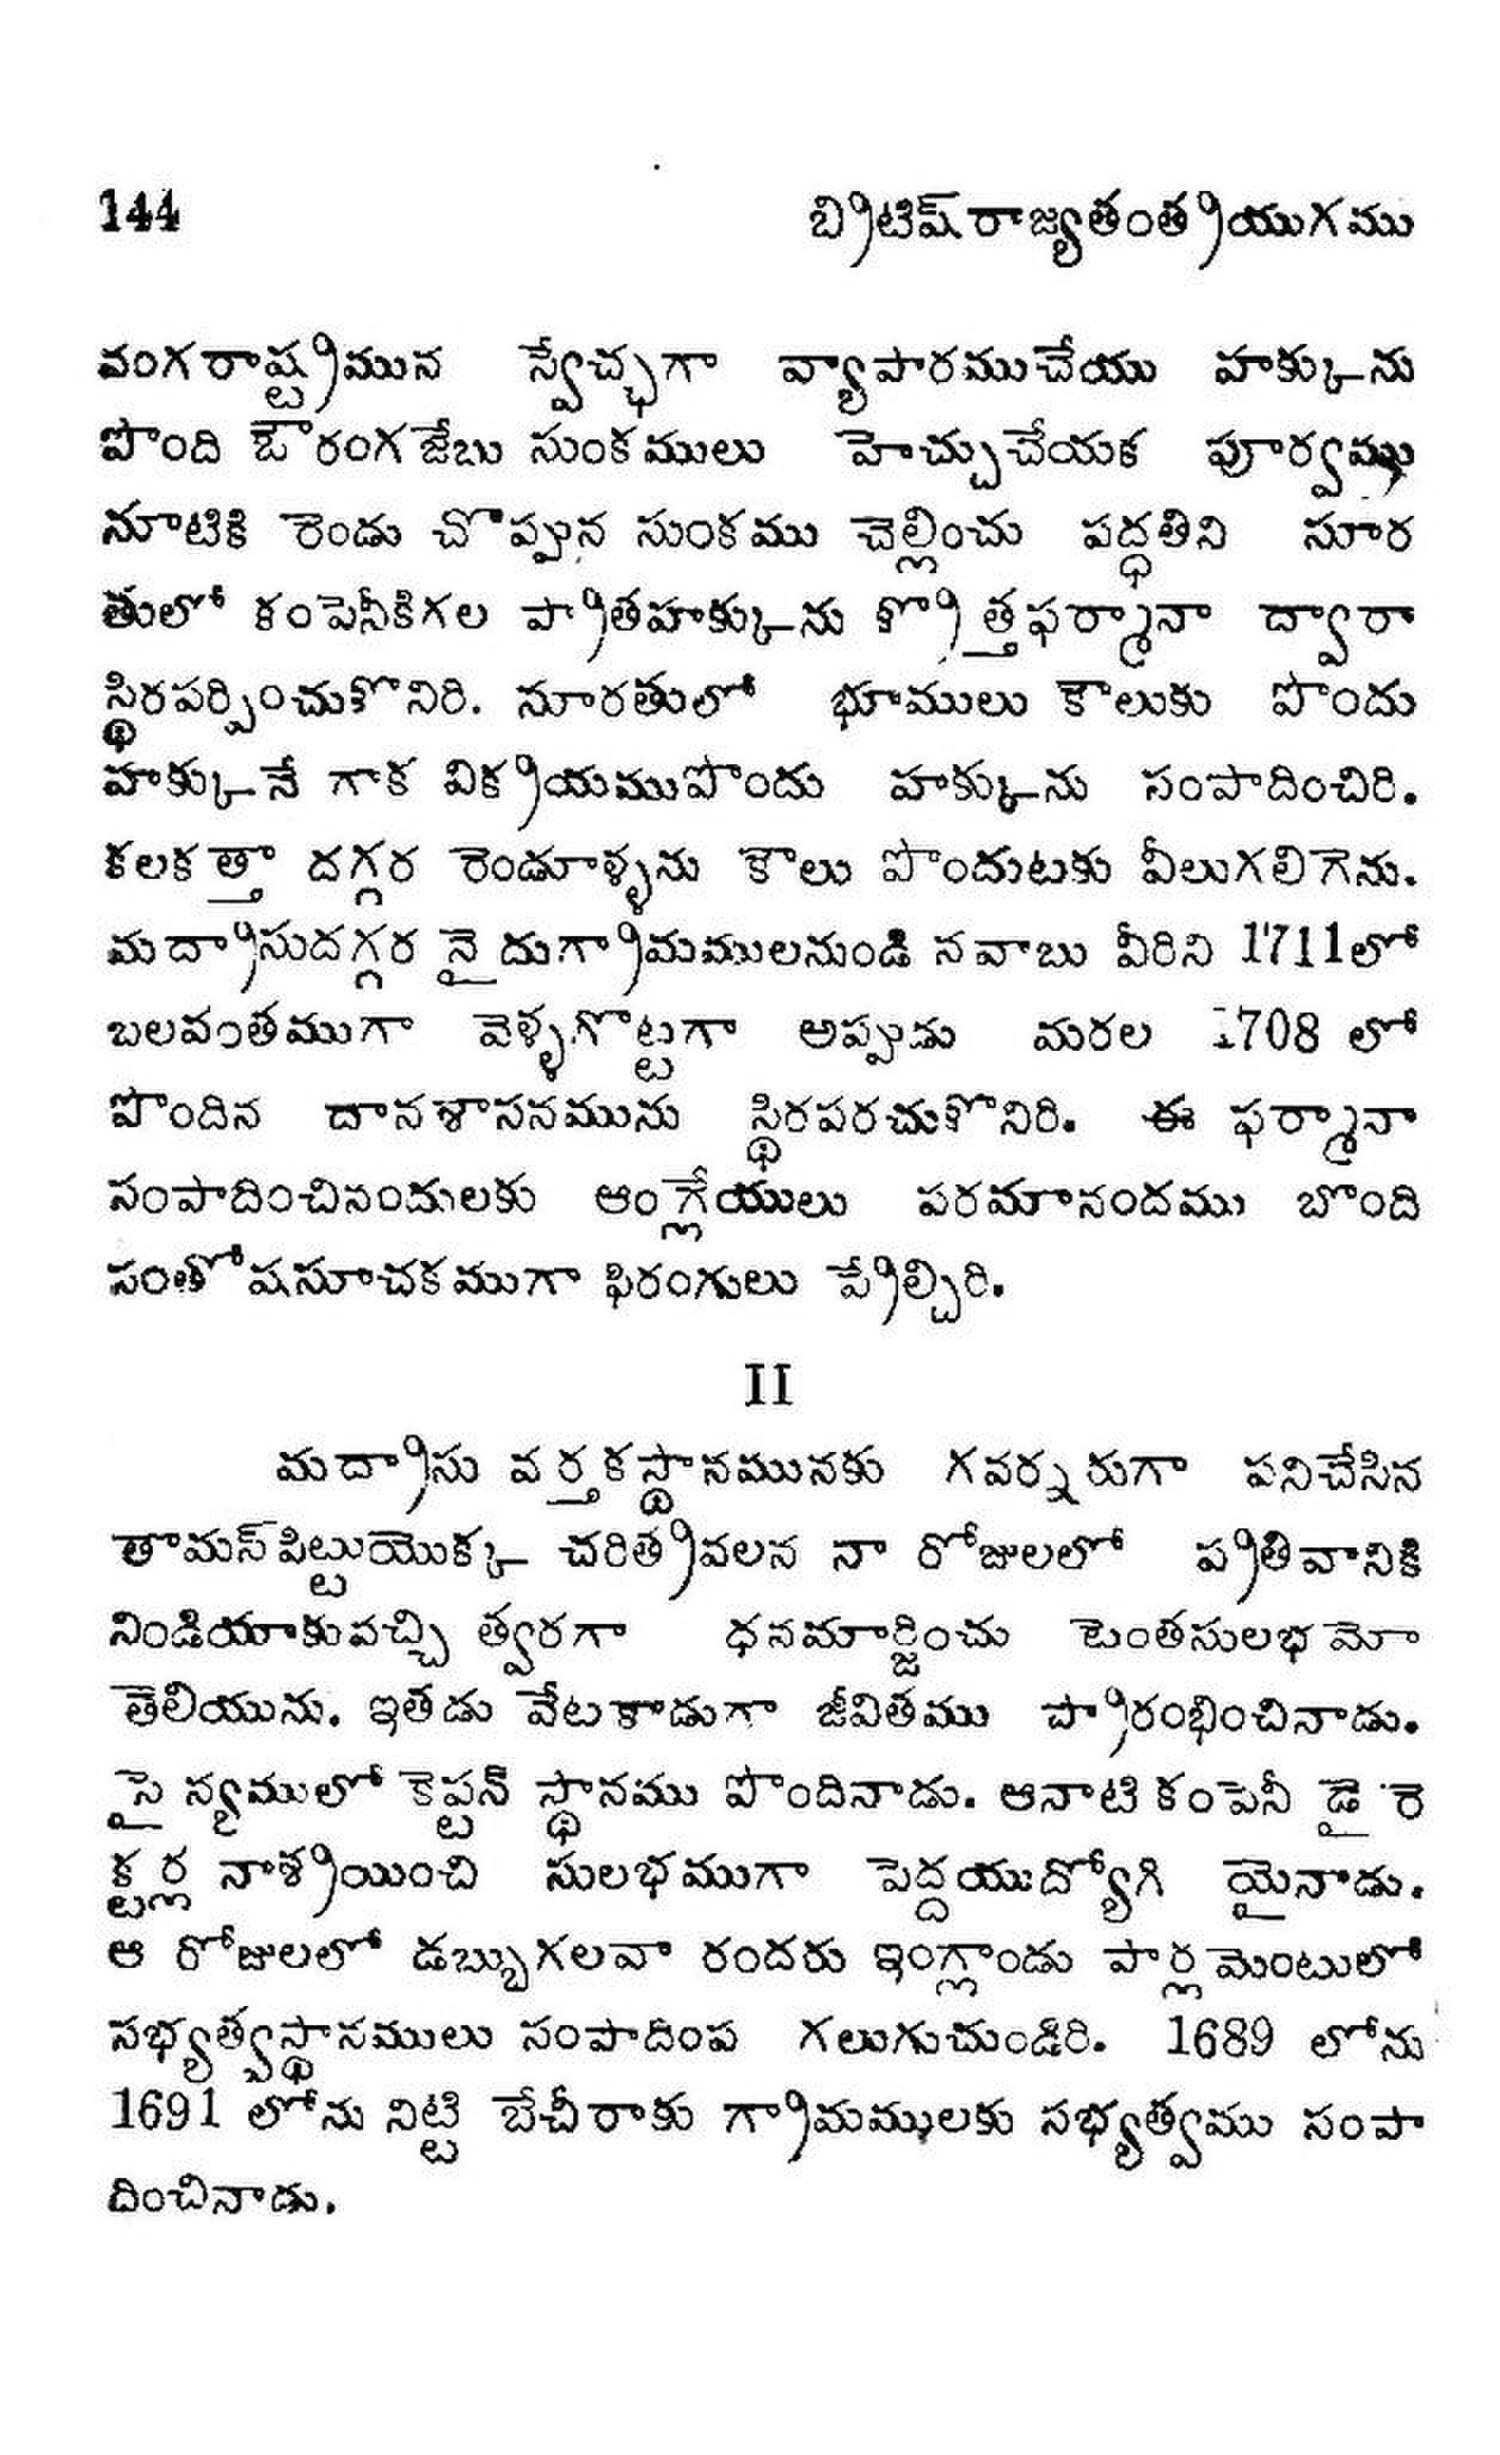వంగరాష్ట్రమున స్వేచ్ఛగా వ్యాపారముచేయు హక్కును పొంది ఔరంగజేబు సుంకములు హెచ్చుచేయక పూర్వము నూటికి రెండు చొప్పున సుంకము చెల్లించు పద్ధతిని సూరతులో కంపెనీకిగల ప్రాతహక్కును క్రొత్తఫర్మానా ద్వారా స్థిరపర్పించుకొనిరి. సూరతులో భూములు కౌలుకు పొందు హక్కునే గాక విక్రయముపొందు హక్కును సంపాదించిరి. కలకత్తా దగ్గర రెండూళ్ళను కౌలు పొందుటకు వీలుగలిగెను. మద్రాసుదగ్గర నైదుగ్రామములనుండి నవాబు వీరిని 1711లో బలవంతముగా వెళ్ళగొట్టగా అప్పుడు మరల 1708 లో పొందిన దానశాసనమును స్థిరపరచుకొనిరి. ఈ ఫర్మానా సంపాదించినందులకు ఆంగ్లేయులు పరమానందము బొంది సంతోష సూచకముగా ఫిరంగులు ప్రేల్చిరి.

II

మద్రాసు వర్తకస్థానమునకు గవర్నరుగా పనిచేసిన తామస్‌పిట్టుయొక్క చరిత్రవలన నా రోజులలో ప్రతివానికి నిండియాకువచ్చి త్వరగా ధనమార్జించు టెంతసులభమో తెలియును. ఇతడు వేటకాడుగా జీవితము ప్రారంభించినాడు. సైన్యములో కెప్టెన్ స్థానము పొందినాడు. ఆనాటికంపెనీ డైరెక్టర్ల నాశ్రయించి సులభముగా పెద్దయుద్యోగి యైనాడు. ఆ రోజులలో డబ్బుగలవా రందరు ఇంగ్లాండు పార్లమెంటులో సభ్యత్వస్థానములు సంపాదింప గలుగుచుండిరి. 1689 లోను 1691 లోను నిట్టి బేచీరాకు గ్రామములకు సభ్యత్వము సంపాదించినాడు.